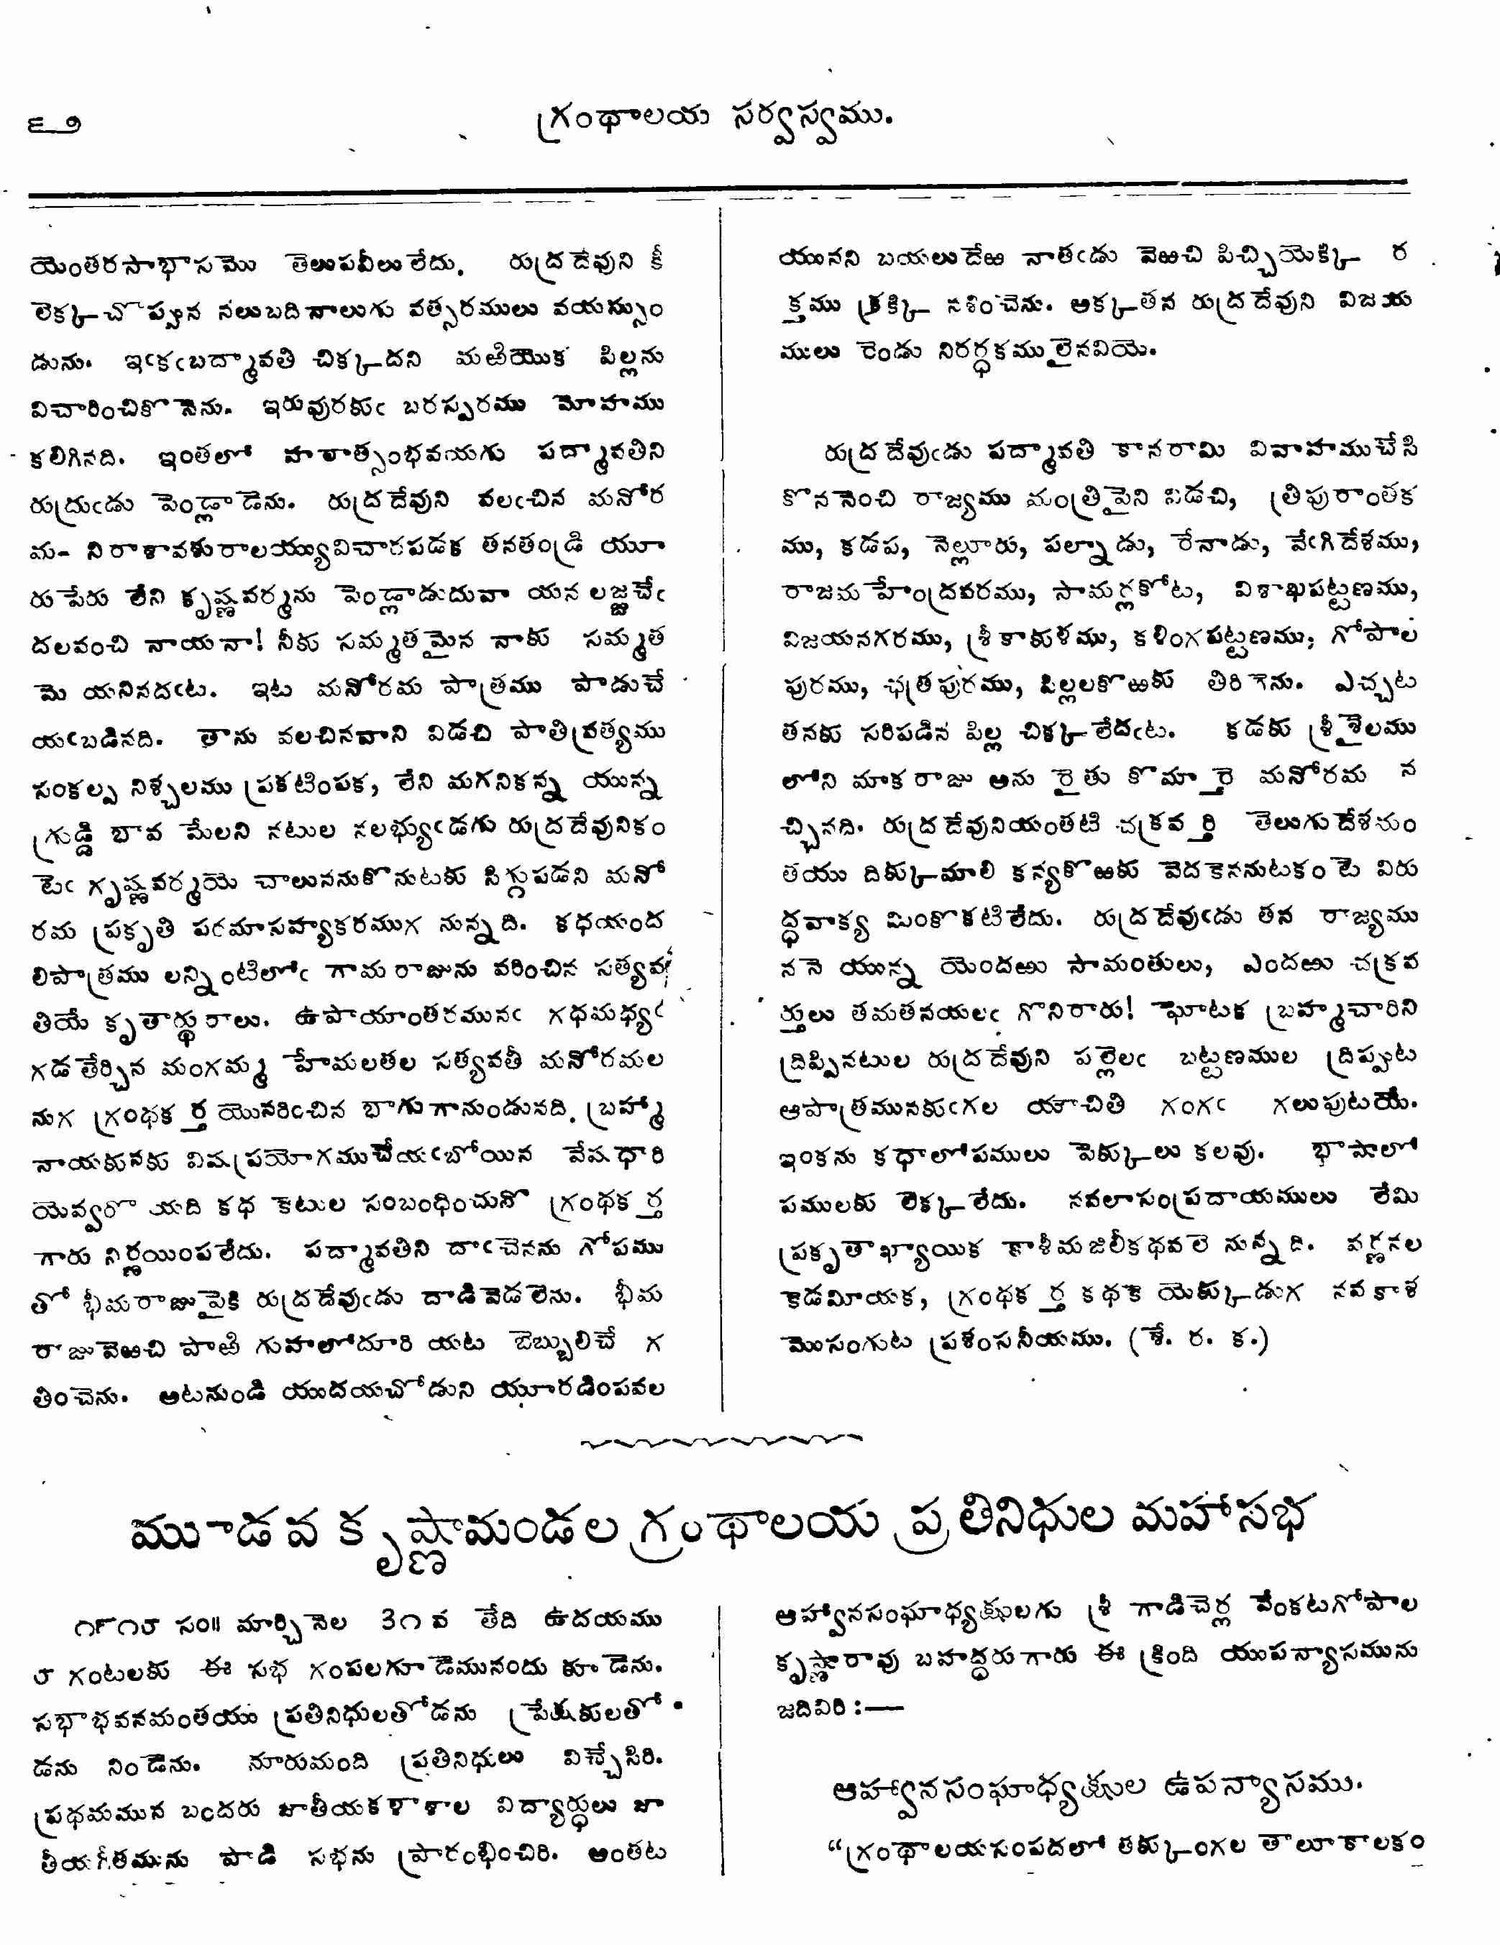యెంతరసాభాసమొ తెలుపవీలు లేదు.
రుద్రదేవుని కీ
లెక్క చొప్పున నలుబది నాలుగు వత్సరములు వయస్సుం
డును. ఇఁకఁ బద్మావతి చిక్కదని మఱియొక పిల్లను
విచారించికొనెను. ఇరువురకుఁ బరస్పరము మోహము
- కలిగినది. ఇంతలో హఠాత్సంభవయగు పద్మావతిని
రుద్రుఁడు పెండ్లాడెను. రుద్రదేవుని వలఁచిన మనోర
మ- నిరాశావశురాలయ్యువిచారపడక తనతండ్రి యూ
రు పేరు లేని కృష్ణవర్మను పెండ్లాడుదువా యన లజ్జ చేఁ
దలవంచి నాయనా! నీకు సమ్మతమైన నాకు సమ్మత
నినద ఁట. ఇట మనోరమ పాత్రము పాడుచే
యఁబడినది. తాను వలచినవాని విడచి పాతివ్రత్యము
సంకల్ప నిశ్చలము ప్రకటింపక, లేని మగనికన్న యున్న
గ్రుడ్డి భావ మేలని నటుల నలభ్యుఁడగు రుద్రదేవునికం
టెఁ గృష్ణవర్మయె చాలుననుకొనుటకు సిగ్గుపడని మనో
రమ ప్రకృతి పరమాసహ్యకరముగ నున్నది. కధయంద
లిపాత్రము లన్నింటిలోఁ గామ రాజును వరించిన సత్యవం
తియే కృతార్థురాలు. ఉపాయాంతరమునఁ గధమధ్య ర
గడతేర్చిన మంగమ్మ హేమలతల సత్యవతీ మనోరమల
నుగ గ్రంధక ర్త యొనరించిన భాగు గానుండునది, బ్రహ్మా
నాయకునకు విషప్రయోగము చేయఁబోయిన వేషధారి
యెవ్వరొ యది కధ కెటులు సంబంధించుని గ్రంథకర్త
గారు నిర్ణయింపలేదు. పద్మావతిని దాఁచెనను గోపము
తో భీమరాజు పైకి రుద్రదేవుఁడు దాడి వెడలెను. భీమ
రాజు వెఱచి పాతీ గుహలో దూరి యట బెబ్బులిచే గ
తించెను. ఆటనుండి యుదయచోడుని యూరడింపవల
యునని బయలుదేఱ నాతఁడు వెఱచి పిచ్చియెక్కి ర
క్తము త్రక్కి నశించెను. అక్క తన రుద్రదేవుని విజయ
ములు రెండు నిరర్ధకము లైనవియే.
కడకు శ్రీశైలము
మనోరమ

రుద్రదేవుఁడు పద్మావతి కానరామి వివాహముచేసి
కొన నెంచి రాజ్యము మంత్రిపైని పిడచి, త్రిపురాంతక
ము, కడప, నెల్లూరు, పల్నాడు, రేనాడు, వేఁగిదేశము,
రాజము హేంద్రవరము, సామర్లకోట, విశాఖపట్టణము,
విజయనగరము, శ్రీకాకుళము, కళింగపట్టణము, గోపాలపురము, ఛత్రపురము, పిల్లల కొఱకు తిరిగాను. ఎచ్చట
తనకు సరిపడిన పిల్ల చిక్క లేదఁట.
లోని మాక రాజు అను రైతు కొమార్తె
చ్చినది. రుద్రదేవునియంతటి చక్రవర్తి తెలుగు దేశనుం
తయు దిక్కుమాలి కన్యకొఱకు వెదకెననుటకంటె విరు
ద్ధవాక్య మింకొకటిలేదు. రుద్రదేవుఁడు తన రాజ్యము
ననె యున్న యెందఱు సామంతులు, ఎందఱు చక్రవ
ర్తులు తమతనయలఁ గొనిరారు! ఘోటక బ్రహ్మచారిని
ద్రిప్పినటులు రుద్రదేవుని పల్లెలఁ బట్టణముల ద్రిప్పుట
xoxc గలుపుటయే.
ఆపాత్రమునకుఁగల యాచితి
ఇంకను కధాలోపములు పెక్కులు కలవు. భాషాలో
పములకు లెక్క లేదు. నవలా సంప్రదాయములు లేమి
ప్రకృతాఖ్యాయిక కాశీమజిలీ కధవలె నున్నది. వర్ణనల
కాడమీయక, గ్రంథకర్త కృథక యెక్కుడుగ నవకాశ
మొసంగుట ప్రశంసనీయము.(శే.ర.క.)

౧౯౧౮ సం॥ మార్చి నెల 30వ తేది ఉదయము ౮ గంటలకు ఈ సభ గంపలగూడెమునందు కూడెను. సభాభవనమంతయు ప్రతినిధులతోడను ప్రేక్షకులతోడను నిండెను. నూరుమంది ప్రతినిధులు విచ్చేసిరి. ప్రధమమున బందరు జాతీయకళాశాల విద్యార్థులు జాతీయగీతమును పొడి సభను ప్రారంభించిరి. అంతట ఆహ్వాన సంఘాధ్యక్షులగు శ్రీ గాడిచెర్ల వేంకటగోపాల
కృష్ణారావు బహద్దరుగారు ఈ క్రింది యుపన్యాసమును జదివిరి:-
"గ్రంథాలయ సంపదలో తక్కుంగల తాలూకాలకం